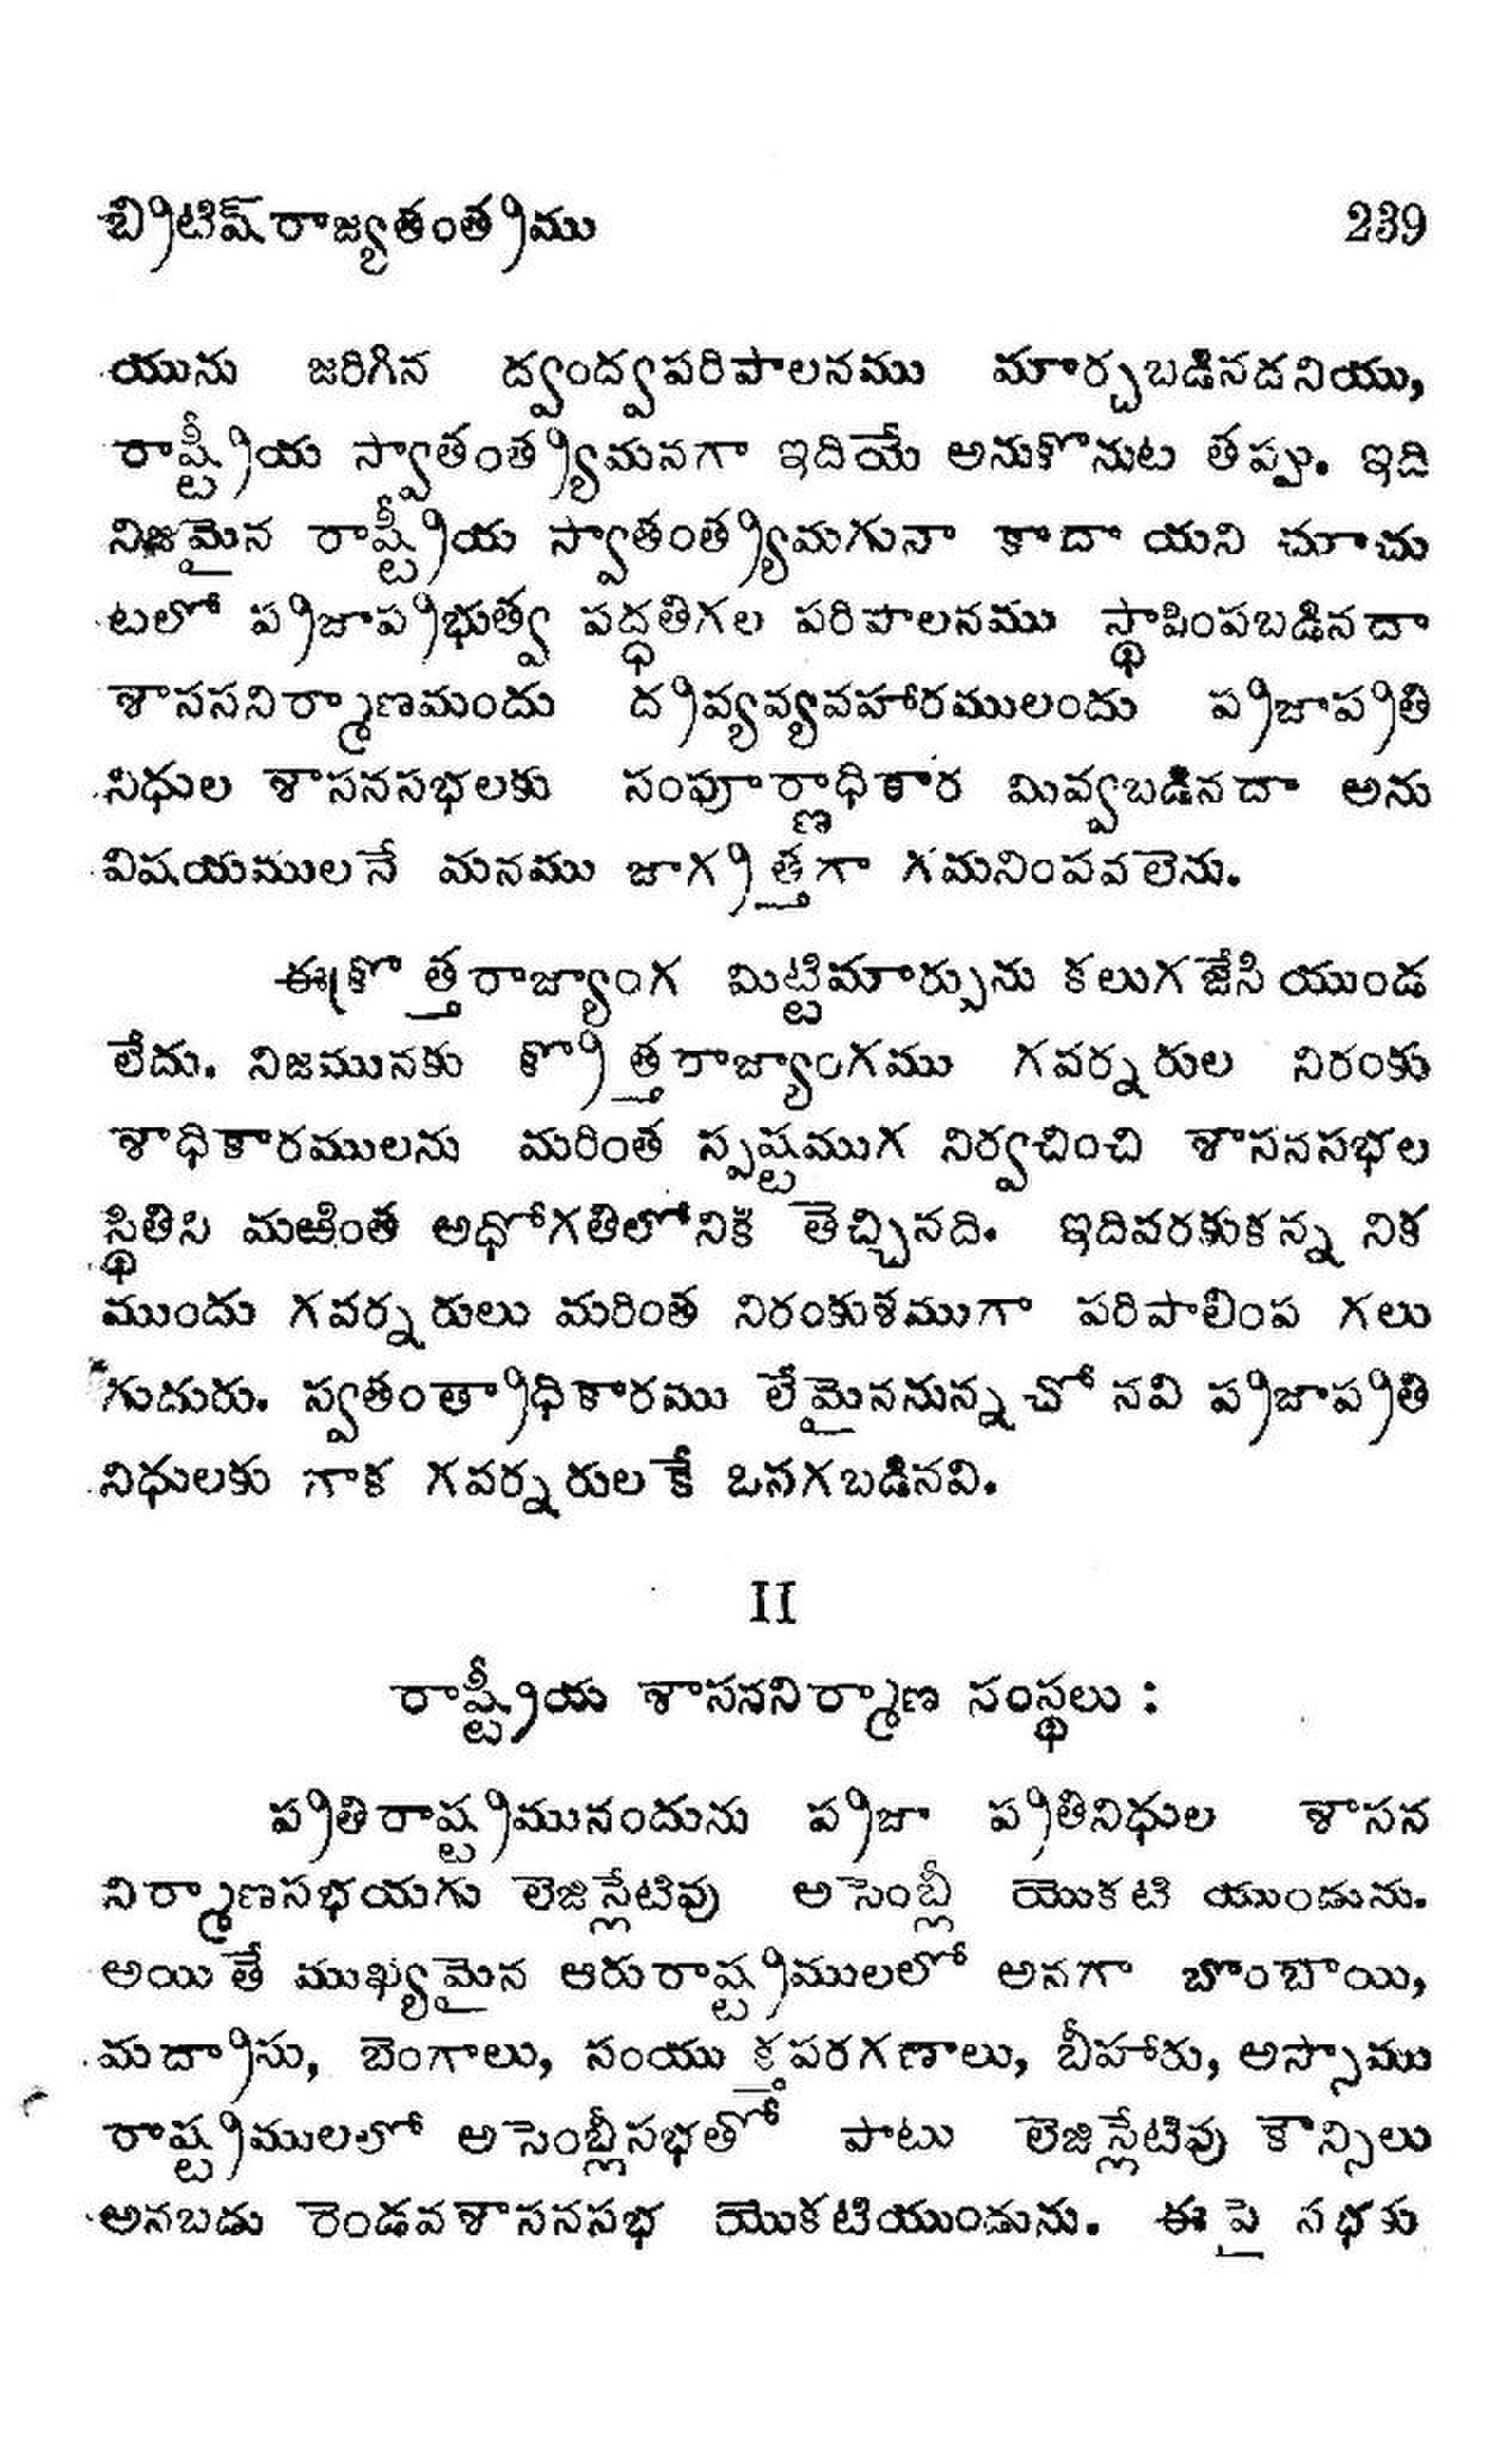యును జరిగిన ద్వంద్వపరిపాలనము మార్చబడినదనియు, రాష్ట్రీయ స్వాతంత్ర్యమనగా ఇదియే అనుకొనుట తప్పు. ఇది నిజమైన రాష్ట్రీయ స్వాతంత్ర్యమగునా కాదా యని చూచుటలో ప్రజాప్రభుత్వ పద్ధతిగల పరిపాలనము స్థాపింపబడినదా శాససనిర్మాణమందు ద్రవ్యవ్యవహారములందు ప్రజాప్రతినిధుల శాసనసభలకు సంపూర్ణాధికార మివ్వబడినదా అను విషయములనే మనము జాగ్రత్తగా గమనింపవలెను.

ఈక్రొత్తరాజ్యాంగ మిట్టిమార్పును కలుగజేసి యుండలేదు. నిజమునకు క్రొత్తరాజ్యాంగము గవర్నరుల నిరంకుశాధికారములను మరింత స్పష్టముగ నిర్వచించి శాసనసభల స్థితిని మఱింత అధోగతిలోనికి తెచ్చినది. ఇదివరకుకన్న నికముందు గవర్నరులు మరింత నిరంకుశముగా పరిపాలింప గలుగుదురు. స్వతంత్రాధికారము లేమైననున్నచో నవి ప్రజాప్రతి నిధులకు గాక గవర్నరులకే ఒనగబడినవి.

II
రాష్ట్రీయ శాసననిర్మాణ సంస్థలు :
 .
ప్రతిరాష్ట్రమునందును ప్రజా ప్రతినిధుల శాసన నిర్మాణసభయగు లెజిస్లేటివు అసెంబ్లీ యొకటి యుండును. అయితే ముఖ్యమైన ఆరురాష్ట్రములలో అనగా బొంబాయి, మద్రాసు, బెంగాలు, సంయుక్తపరగణాలు, బీహారు, అస్సాము రాష్ట్రములలో అసెంబ్లీసభతో పాటు లెజిస్లేటివు కౌన్సిలు అనబడు రెండవశాసనసభ యొకటియుండును. ఈపై సభకు